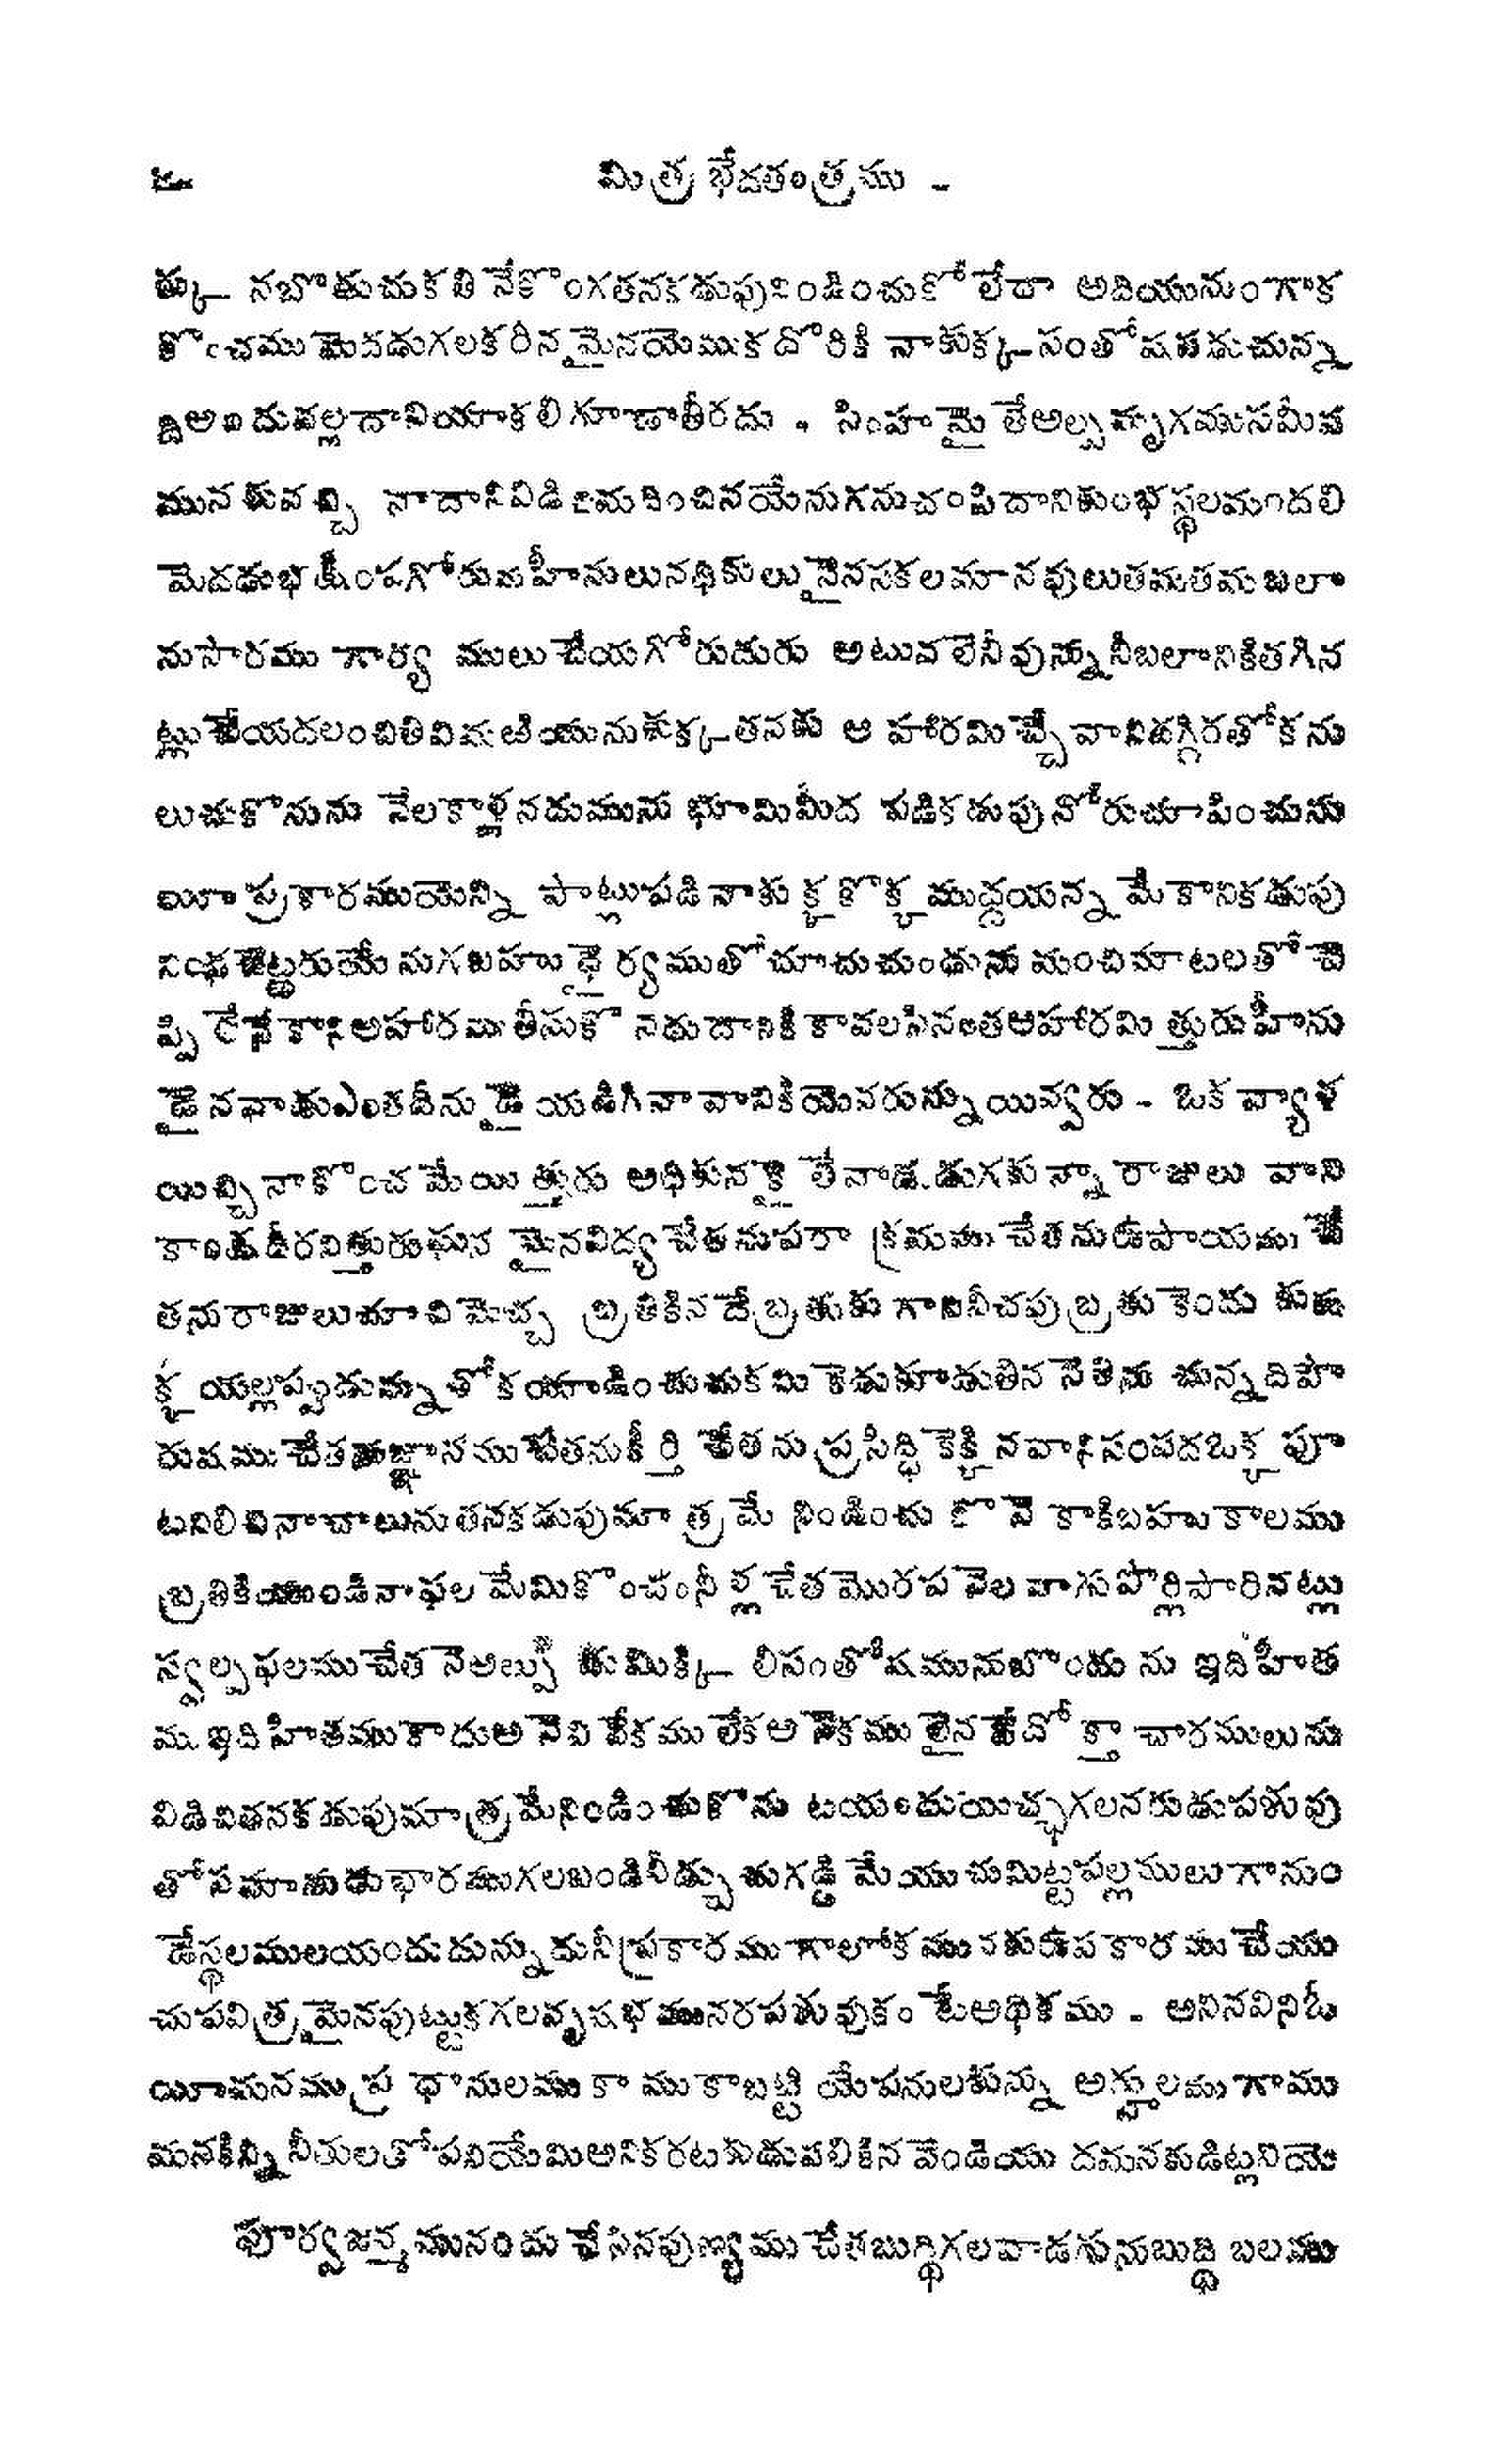క్కున బొడుచుకతినేకొంగ తనకడుపు నిండించుకోలేదా. అదియునుం గాక కొంచముమెదడు గలకఠినమైన యెముక దొరికినా కుక్క సంతోషపడుచున్నది. అందువల్ల దానియాకలిగూడా తీరదు. సింహమైతే అల్పమృగము సమీపమునకు వచ్చినా దాని విడిచి మదించిన యేనుగను చంపి దానికుంభస్థలమందలి మెదడు భక్షింపగోరును. హీనులు నధికులు నైనసకలమానవులు తమతమబలానుసారము గార్యములు చేయగోరుదురు. అటువలె నీవున్ను నీబలానికి తగినట్లు చేయదలంచితివి. మఱియును కుక్క తనకు ఆహారమిచ్చేవానిదగ్గిర తోక నులుచుకొనును. నేల కాళ్ల నదుమును. భూమిమీద పడి కడుపు నోరు చూపించును. యీప్రకారము యెన్నిపాట్లు పడినా కుక్క కొక్కముద్ద యన్నమే కాని కడుపునిండ పెట్టరు. యేనుగ బహుధైర్యముతో చూచుచుండును. మంచిమాటలతో చెప్పితేనేకాని అహారము తీసుకొనదు. దానికి కావలసినంత ఆహారమిత్తురు. హీనుడైనవాడు ఎంతదీనుడై యడిగినా వానికి యెవరున్ను యివ్వరు. ఒకవేళ
యిచ్చినా కొంచమే యిత్తురు. అధికునకైతే వా డడుగకున్నా రాజులు వానికాంక్ష దీర నిత్తురు. ఘనమైనవిద్యచేతను పరాక్రమముచేతను ఉపాయముచేతను రాజులు చూచి మెచ్చ బ్రతికినదే బ్రతుకు గాని నీచపుబ్రతు కెందుకు. కుక్క యల్లప్పుడున్ను తోక యాడించుచు కమికెడుకూడు తిననేతినుచున్నది. పౌరుషముచేత జ్ఞానముచేతను కీర్తిచేతను ప్రసిద్ధి కెక్కినవాని సంపద ఒక్కపూట నిలిచినా చాలును. తనకడుపుమాత్రమే నిండించుకొనేకాకి బహుకాలము బ్రతికియుండినా ఫల మేమి. కొంచంనీళ్లచేత మొరపనేల వాగు పొర్లిపారినట్లు స్వల్పఫలముచేతనే అల్పుడు మిక్కిలిసంతోషమును బొందును. ఇది హితము ఇది హితము కాదు అనేవివేకము లేక అనేకములైన వేదోక్తాచారములును విడిచి తనకడుపుమాత్రమే నిండించుకొనుటయందు యిచ్ఛగలనరుడు పశువుతో సమానుడు. భారముగలబండి నీడ్చుచు గడ్డి మేయుచు మిట్టపల్లములుగా నుండేస్థలములయందు దున్నుదు. నీప్రకారముగా లోకమునకు ఉపకారము చేయుచు పవిత్రమైనపుట్టుక గలవృషభము నరపశువుకంటే అధికము. అనిన విని ఓయీ మనము ప్రధానులము కాము కాబట్టి యేపనులకున్ను అర్హులము గాము. మన కిన్నినీతులతో పని యేమి అని కరటకుడు పలికిన వెండియు దమనకు డిట్లనియె.

పూర్వజన్మమునందు చేసినపుణ్యముచేత బుద్ధిగలవా డగును. బుద్ధిబలము